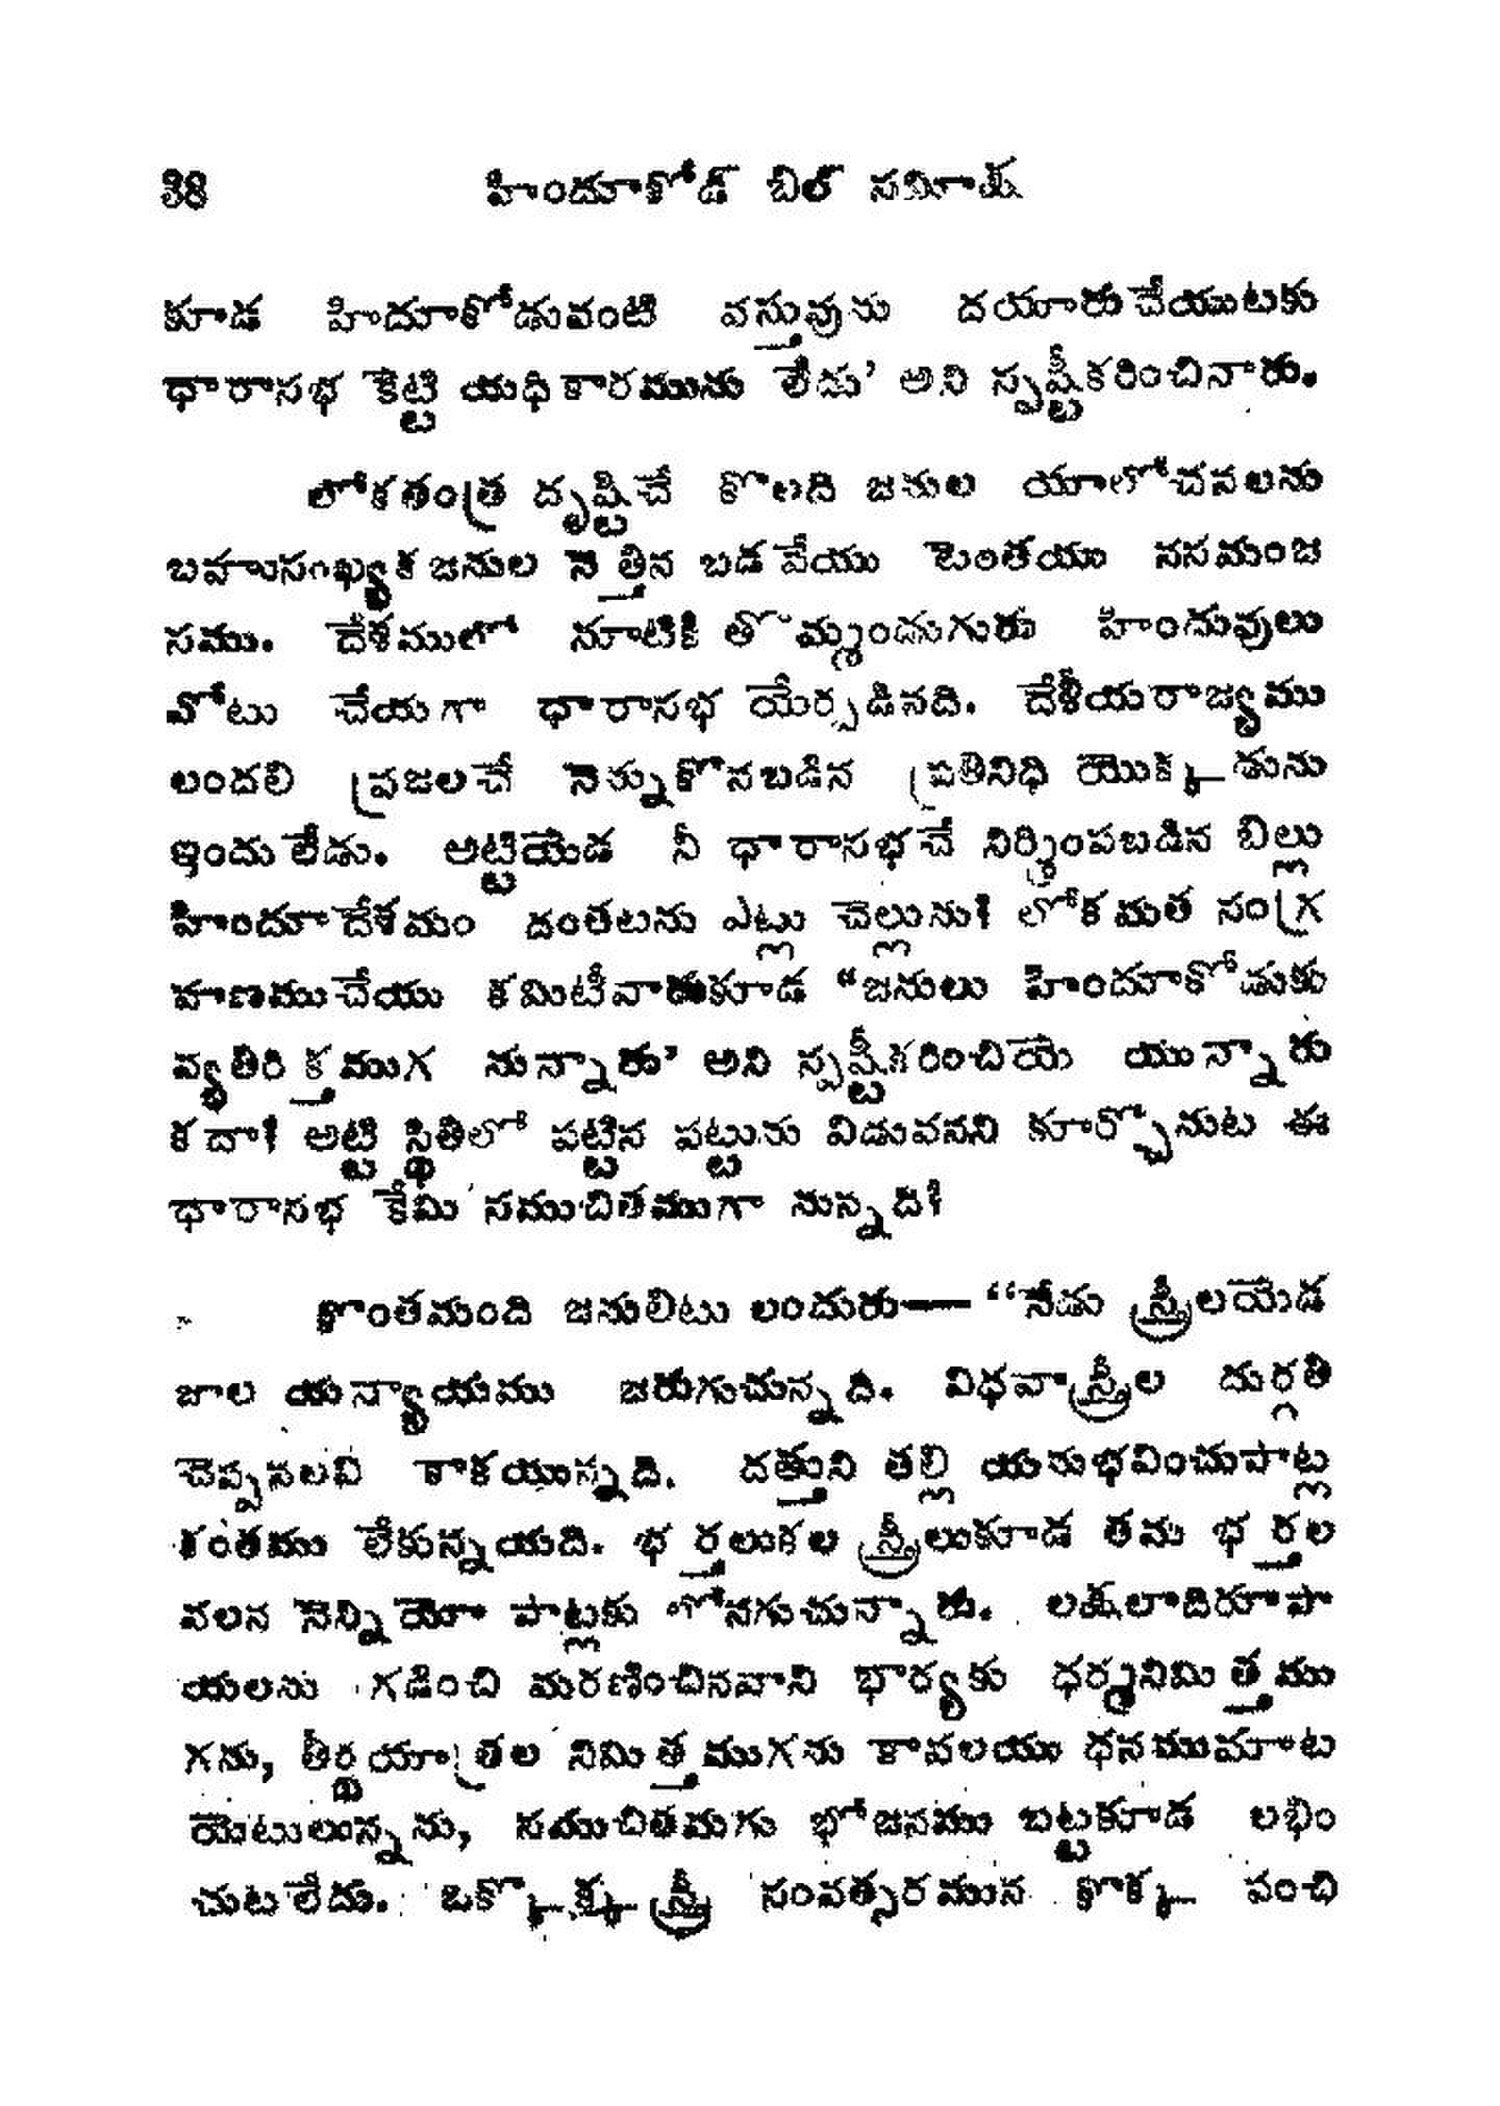హిందూకోడువంటి వస్తువును దయారు చేయుటకు
ధారాసభ కెట్టి యధికారమును లేదు' అని స్పష్టీకరించినారు.

లోకతంత్ర దృష్టిచే కొలది జనుల యాలోచనలను
బహుసంఖ్యక జనుల నెత్తిన బడవేయు టెంతయు 
నసమంజసము. దేశములో నూటికి తొమ్మండుగురు హిందువులు
వోటు చేయగా ధారాసభ యేర్పడినది. దేశీయ రాజ్యము
లందలి ప్రజలచే నెన్నుకొనబడిన ప్రతినిధి యొక్కడును
ఇందులేడు. అట్టియెడ నీ ధారాసభచే నిర్మింపబడిన బిల్లు
హిందూదేశమం దంతటను ఎట్లు చెల్లును లోకమత 
సంగ్రహణముచేయు కమిటీవారు కూడ "జనులు హిందూకోడుకు
వ్యతిరిక్తముగ నున్నారు' అని స్పష్టీకరించియే యున్నారు
కదా! అట్టి స్థితిలో పట్టిన పట్టును విడువనని కూర్చొనుట ఈ
ధారానభ కేమి సముచితముగా నున్నది?

కొంతమంది జనులిటు లందురు "నేడు స్త్రీలయె డ
జాల యన్యాయము జరుగుచున్నది. విధవా స్త్రీల దుర్గతి
చెప్పనలవి కాకయున్నది. దత్తుని తల్లి యనుభవించుపాట్ల
కంతము లేకున్నయది. భర్తలుకల స్త్రీలు కూడ తను భర్తల
వలన నెన్నియో పాట్లకు లోనగుచున్నారు. లక్షలాదిరూపా
యలను గడించి మరణించినవాని భార్యకు ధర్మనిమిత్తము
గను, తీర్థయాత్రల నిమిత్తముగను కావలయు ధనముమాట
యెటులున్నను, సముచితమగు భోజనము బట్టకూడ లభిం
చుటలేదు. ఒక్కొక్క స్త్రీ సంవత్సరమున కొక్క పంచి